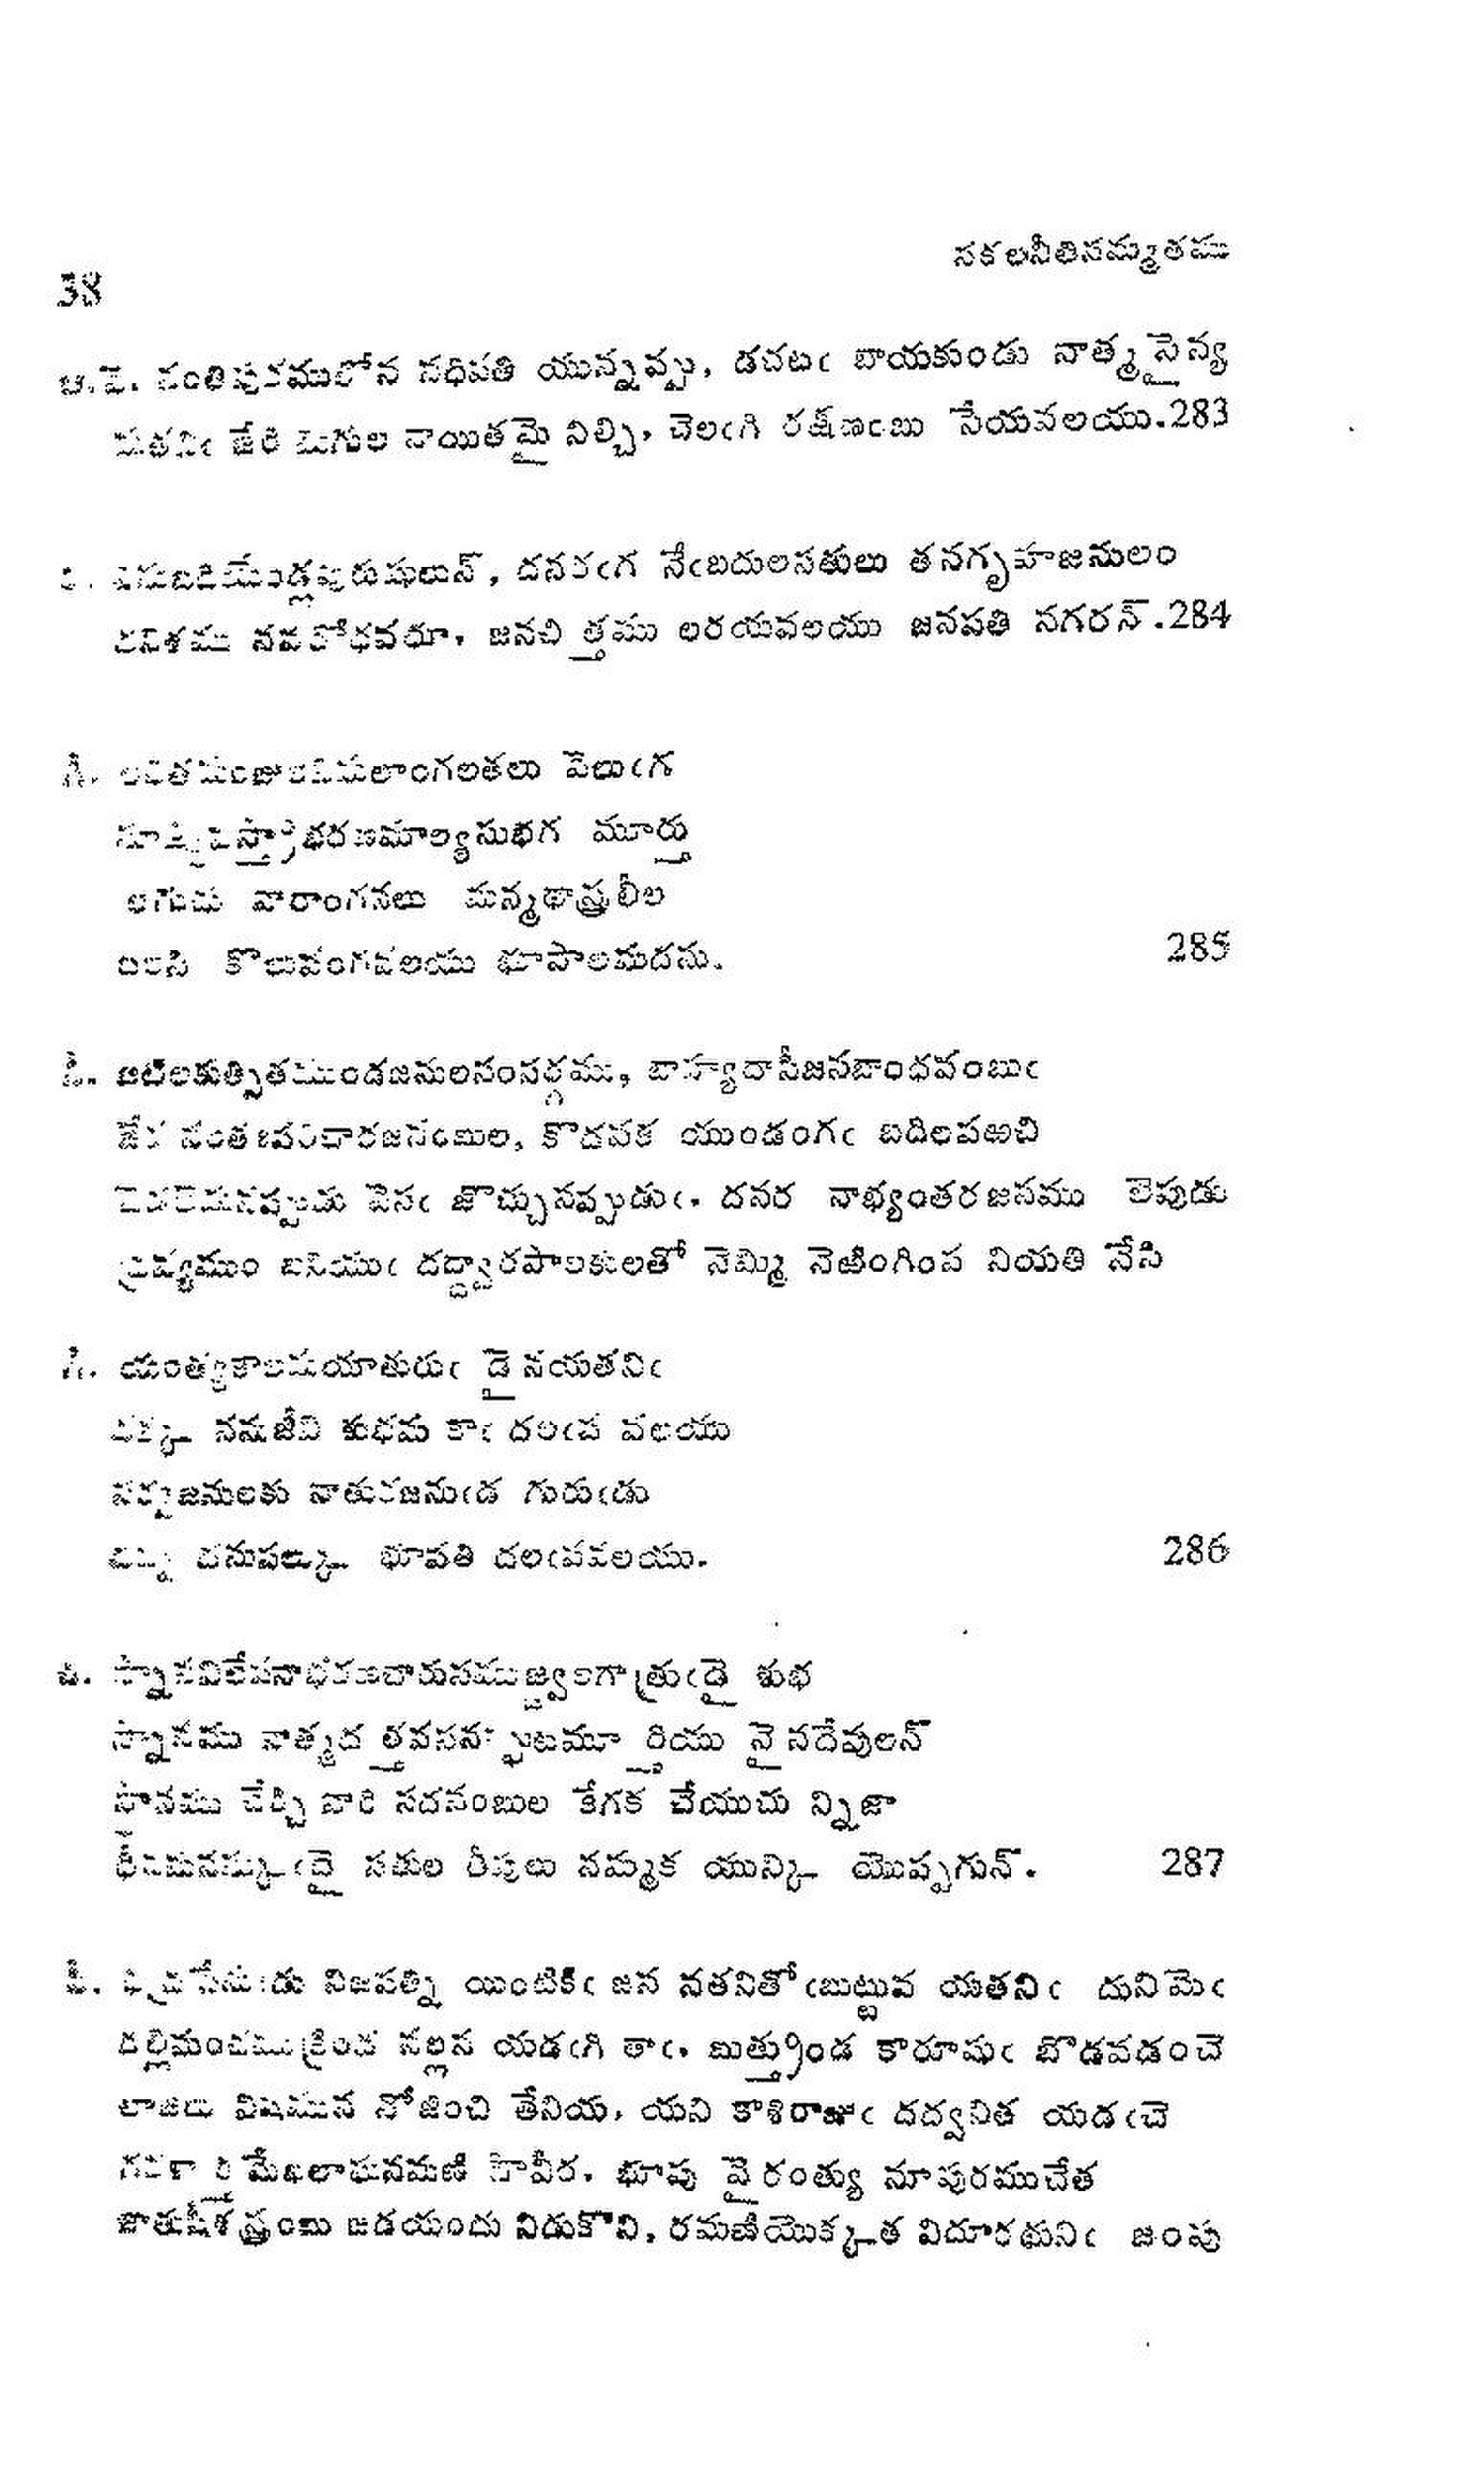ఆ. నంతిపురములోన నధిరతి యున్నప్పు
డచటఁ బాయకుండు నాత్మసైన్య
మతనిఁ జేరి మిగుల నాయితమై నిల్చి
చెలఁగి రక్షణంబు సేయవలయు. 283

క. ఎనుబదియేండ్లపురుషులున్
దనరఁగ నేఁబదులసతుల తనగృహజనులం
దనిశము నవరోధవధూ
జనచిత్తము లరయవలయు జనపతి నగరన్. 284

గీ. లలితమంజులవిమలాంగలతలు వెలుఁగ
సూక్ష్మవస్త్రాభరణమాల్యసుభగ మూర్తు
లగుచు వారాంగనలు మన్మథాస్త్రలీల
బలసి కొలువంగవలయు భూపాలమదను. 285

సీ. జటిలకుత్సితముండజనులసంసర్గము
బాహ్యదాసీజనబాంధవంబుఁ
జేర నంతఃపరిచారజనంబుల
కొదపక యుండంగఁ బదిలపఱచి
వెడలుడునప్పుడు వెసఁ జొచ్చునప్పుడుఁ
దనర నాభ్యంతరజనము లెపుడు
ద్రవ్యముం బనియుఁ దద్ద్వారపాలకులతో
నెమ్మి నెఱింగింప నియతి సేసి
గీ. యంత్యకాలమయాతురుఁ డైనయతనిఁ
దక్క ననుజీవి శుభమ కాఁ దలఁప వలయు
సర్వజనులకు నాతురజనుఁడ గురుఁడు
దప్ప దనుపల్కు భూపతి దలఁపవలయు. 286

ఉ. స్నానవిలేపనాభరణచారుసముజ్జ్వలగాత్రుఁడై శుభ
స్నానము నాత్మదత్తవసనస్ఫుటమూర్తియు నైన దేవులన్
స్థానము చేర్చి వారి సదనంబుల కేగక చేయుచు న్నిజా
ధీనమనస్కుఁడై సతుల తీపులు నమ్మక యున్కి యొప్పగున్. 287

సీ. భద్రసేనుఁడు నిజపత్ని యింటికిఁ జన
నతనితోఁబుట్టువ యతనిఁ దునిమె
దల్లిమంచముక్రింద నల్లన యడఁగి తాఁ
బుత్త్రుండ కారూషుఁ బొడవడంచె
లాజలు విషమున నోజించి తేనియఁ
యని కాశిరాజుఁ దద్వనిత యడఁచె
గరళాక్తమేఖలాఘనమణి సౌవీర
భూపు వైరంత్యు నూపురముచేత
జాతుషీశస్త్రంబు జడయందు నిడుకొని
రమణియొక్కత విదూరథునిఁ జంపు